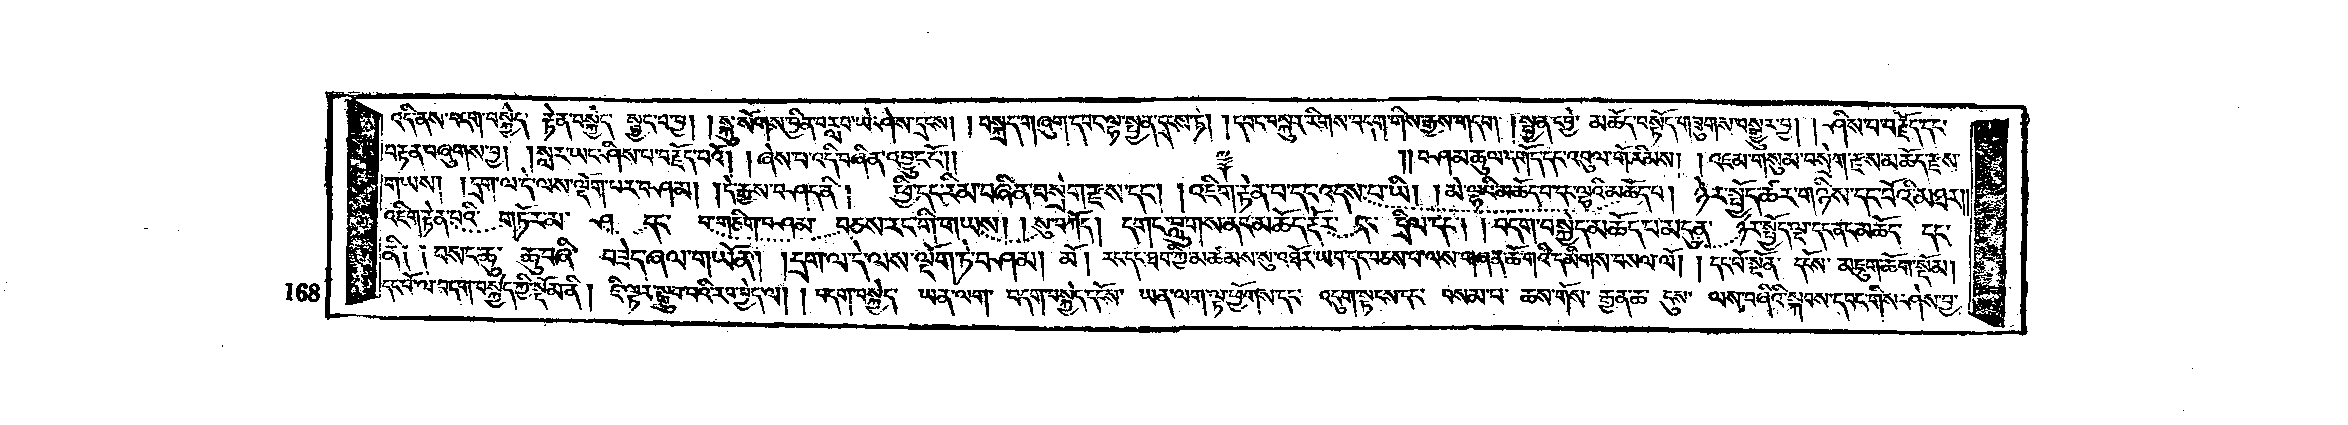འདི་ནས་བདག་བསྐྱེད་རྟེན་བསྐྱེད་སྦྱང་བ་བྱ། །སྐུ་སོགས་བྱིན་བརླབ་ཡེ་ཤེས་དྲངས། །བསྐྲད་གཞུག་དབང་ལྷ་སྤྱན་དྲངས་ཏེ། །དབང་བསྐུར་རིགས་བདག་གིས་རྒྱས་གདབ། །སྤྱན་དབྱེ་མཆོད་བསྟོད་གཟུགས་བསྒྱུར་བྱ། །ཤིས་པ་བརྗོད་དང་
བརྟན་བཞུགས་བྱ། །སླར་ཡང་ཤིས་པ་བརྗོད་པའོ། །ཞེས་པ་འདི་བཞིན་འབྱུང་ངོ།། ༈ །།བཤམ་ཚུལ་དགོད་དང་འབུལ་གོ་རིམས། །འཇམ་གསུམ་བསྲེག་རྫས་མཆོད་རྫས་
གཡས། །དྲག་ལ་དེ་ལས་ལྡོག་པར་བཤམ། །དེ་རྒྱས་བཤད་ནི། ཕྱི་དང་རིམ་བཞིན་བསྲེག་རྫས་དང་། །འཇིག་རྟེན་པ་དང་འདས་པ་ཡི། ། མེ་ལྷའི་མཆོད་པ་དང་ལྷའི་མཆོད་པ།  ཉེར་སྤྱོད་ཚར་གཉིས་དང་པོའི་མཐར། །
འཇིག་རྟེན་པའི་གཏོར་མ་ཤ་དང་པ་གཅིག་བཤམ་བཅས་རང་གི་གཡས། ། སུ་བཀོད། དགང་བླུགས་ནང་མཆོད་རྡོར་དང་དྲིལ་དང་། །བདག་བསྐྱེད་མཆོད་པ་མདུན་ཉེར་སྤྱོད་ལྔ་དང་ནང་མཆོད་དང་
ནི༑ ༑བསང་ཆུ་ཆུ་བཞི་བཟེད་ཞལ་གཡོན། །དྲག་ལ་དེ་ལས་ལྡོག་ཏེ་བཤམ། མོ། རང་དང་ཐབ་ཀྱི་མཚམས་སུ་འཐོར་ཡབ་དང་བཅས་པ་ལས་གཞན་ཆོ་གའི་དམིགས་བསལ་ལོ། །དང་པོ་སྔོན་དངོས་མཇུག་ཆོག་སྡོམ།
དང་པོ་ལ་བདག་བསྐྱེད་ཀྱི་སྡོམ་ནི། ཇི་ལྟར་སྒྲུབ་པའི་རབ་བྱེད་ལ། །བདག་བསྐྱེད་ཡན་ལག་བདག་བསྐྱེད་དངོས་ཡན་ལག་ལྟ་ཕྱོགས་དང་འདུག་སྟངས་དང་བསམ་པ་ཆས་གོས་རྒྱན་ཆ་དུས་ལས་བཞིའི་སྐབས་དབང་གིས་ཤེས་བྱ་